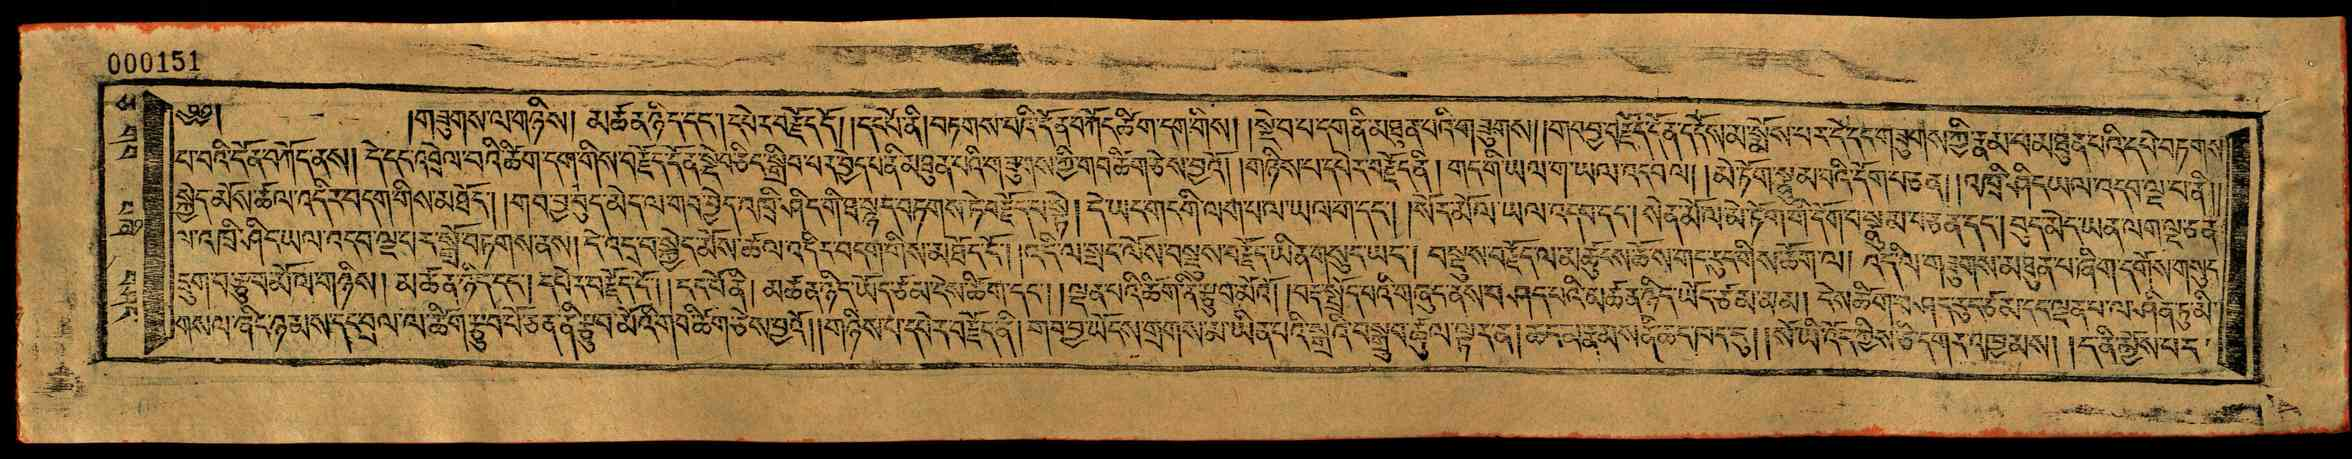༄༅། །གཟུགས་ལ་གཉིས། མཚན་ཉིད་དང་། དཔེར་བརྗོད་དོ། །དང་པོ་ནི། བཏགས་པའི་དོན་བཀོད་ཚིག་དག་གིས། །སྡེབ་པ་དག་ནི་མཐུན་པའི་གཟུགས། །གབ་བྱ་བརྗོད་དོན་དངོས་མ་སྨོས་པར་དེ་དང་གཟུགས་ཀྱི་རྣམ་པ་མཐུན་པའི་དཔེ་བཏགས་
པ་བའི་དོན་བཀོད་ནས། དེ་དང་འབྲེལ་བའི་ཚིག་དག་གིས་བརྗོད་དོན་སྡེབ་ཅིང་སྒྲིབ་པར་བྱེད་པ་ནི་མཐུན་པའི་གཟུགས་ཀྱི་གབ་ཚིག་ཅེས་བྱའོ། །གཉིས་པ་དཔེར་བརྗོད་ནི། གང་གི་ཡལ་ག་ཡལ་འདབ་ལ། །མེ་ཏོག་སྣུམ་པའི་དོག་པ་ཅན། །འཁྲི་ཤིང་ཡལ་འདབ་ལྔ་པ་ནི།།
སྐྱེད་མོས་ཚལ་འདིར་བདག་གིས་མཐོང་། །གབ་བྱ་བུད་མེད་ལ་གབ་བྱེད་འཁྲི་ཤིང་གི་ཐ་སྙད་བཏགས་ཏེ་བརྗོད་པ་སྟེ། དེ་ཡང་གང་གི་ལག་པ་ལ་ཡལ་ག་དང་། །སོར་མོ་ལ་ཡལ་འདབ་དང་། སེན་མོ་ལ་མེ་ཏོག་གི་དོན་པ་སྣུམ་པ་ཅན་དང་། བུད་མེད་ཡན་ལག་ལྔ་ཅན་
ལ་འཁྲི་ཤིང་ཡལ་འདབ་ལྔ་པར་སྒྲོ་བཏགས་ནས། དེ་འདྲ་བ་སྐྱེད་མོས་ཚད་འདིར་བདག་གིས་མཐོང་ངོ། །འདི་ལ་སྤང་ལོས་བསྡུས་བརྗོད་ཡིན་གསུངས་ཡང་། བསྡུས་བརྗོད་ལ་མཚུངས་ཆོས་གང་རུང་གིས་ཆོག་ལ། འདི་ལ་གཟུགས་མཐུན་པ་ཞིག་དགོས་གསུང་
དྲུག་པ་རྩུབ་མོ་ལ་གཉིས། མཚན་ཉིད་དང་། དཔེར་བརྗོད་དོ། །དང་པོ་ནི། མཚན་ཉིད་ཡོད་ཙམ་ངེས་ཚིག་དང་། །ལྡན་པའི་ཚིག་ནི་རྩུབ་མོའོ། །བརྡ་སྤྲོད་པའི་གཞུང་ནས་བཤད་པའི་མཚན་ཉིད་ཡོད་ཙམ་མམ། ངེས་ཚིག་བཤད་རུང་ཙམ་དང་ལྡན་པ་ལ་ཤིན་ཏུ་མི་
གསལ་ཞིང་ཉམས་དང་བྲལ་ལ་ཚིག་རྩུབ་པོ་ཅན་ནི་རྩུབ་མོའི་གབ་ཚིག་ཅེས་བྱའོ། །གཉིས་པ་དཔེར་བརྗོད་ནི། གབ་བྱ་ཡོངས་གྲགས་མ་ཡིན་པའི་སྒྲའི་བསྒྲུབ་ཚུལ་ལྟར་ན། ཆད་མ་རྣམས་ནི་ཆང་ཁང་དུ། །སོ་ཡི་འོད་ཀྱིས་ཅི་དཀར་འཁྱམས། །ད་ནི་མྱོས་པར་